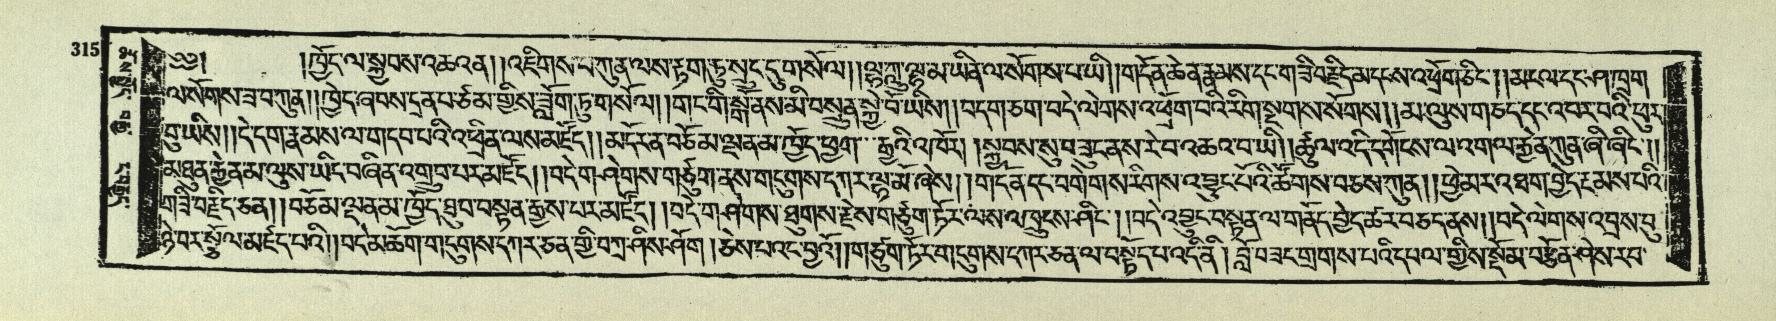༄༅། །ཁྱོད་ལ་སྐྱབས་འཆའ་ན། །འཇིགས་པ་ཀུན་ལས་རྟག་ཏུ་སྲུང་དུ་གསོལ། །ལྷ་ཀླུ་ལྷ་མ་ཡིན་ལ་སོགས་པ་ཡི། །གདོན་ཆེན་རྣམས་དང་གཟི་བརྗིད་མདངས་འཕྲོག་ཅིང་། །མངལ་དང་ཤ་ཁྲག་
ལ་སོགས་ཟ་བ་ཀུན། །ཁྱེད་ཞབས་དྲན་པ་ཙམ་གྱིས་ཟློག་ཏུ་གསོལ། །གང་གི་སྒོ་ནས་མི་བསྲུན་སྐྱེ་བོ་ཡིས། །བདག་ཅག་བདེ་ལེགས་འཕྲོག་པའི་རིག་སྔགས་སོགས། །མ་ལུས་གཅད་དང་འབར་བའི་ཕུར་
བུ་ཡིས། །དེ་དག་རྣམས་ལ་གདབ་པའི་འཕྲིན་ལས་མཛོད། །མདོར་ན་བཅོམ་ལྡན་མ་ཁྱོད་ཕྱག་རྒྱའི་འཁོར། །སྐྱབས་སུ་བཟུང་ནས་རེ་བ་འཆའ་བ་ཡི། །ཚུལ་འདི་དགོངས་ལ་འགལ་རྐྱེན་ཀུན་ཞི་ཞིང།།
མཐུན་རྐྱེན་མ་ལུས་ཡིད་བཞིན་འགྲུབ་པར་མཛོད། །བདེ་གཤེགས་གཙུག་ནས་གདུགས་དཀར་ལྷ་མོ་ཞེས། །གདོན་དང་བགེགས་རིགས་འབྱུང་པོའི་ཚོགས་བཅས་ཀུན། །ཕྱེ་མར་འཐག་བྱེད་རྔམས་པའི་
གཟི་བརྗིད་ཅན། །བཅོམ་ལྡན་མ་ཁྱོད་ཐུབ་བསྟན་རྒྱས་པར་མཛོད། །བདེ་གཤེགས་ཐུགས་རྗེས་གཙུག་ཏོར་ལས་འཁྲུངས་ཤིང་། །བདེ་འབྱུང་བསྟན་ལ་གནོད་བྱེད་ཚར་བཅད་ནས། །བདེ་ལེགས་འབྲས་བུ་
ཉེ་བར་སྩོལ་མཛད་པའི། །བདེ་མཆོག་གདུགས་དཀར་ཅན་གྱི་བཀྲ་ཤིས་ཤོག །ཅེས་པའང་བྱའོ། །གཙུག་ཏོར་གདུགས་དཀར་ཅན་ལ་བསྟོད་པ་འདི་ནི། བློ་བཟང་གྲགས་པའི་དཔལ་གྱིས་སྡོམ་བརྩོན་ཤེས་རབ་